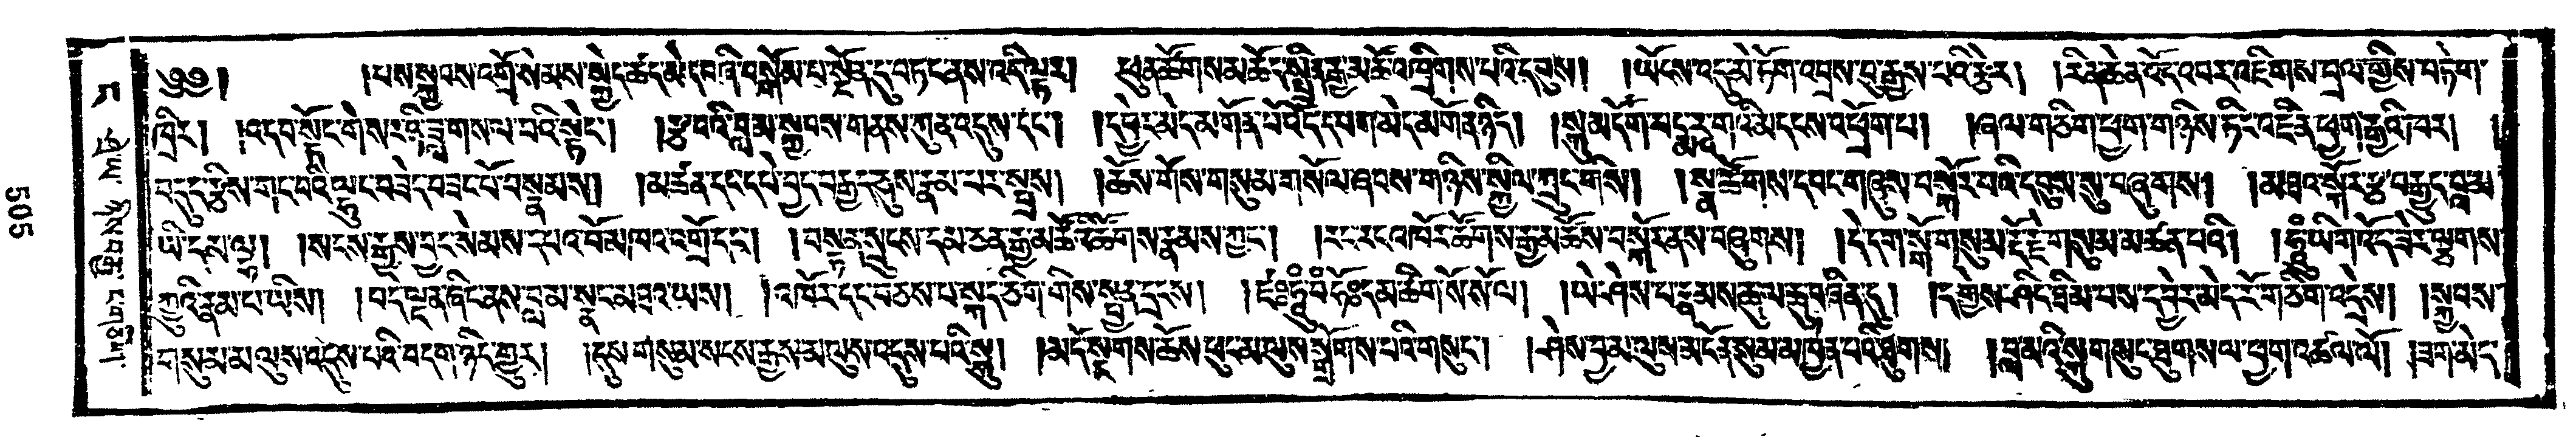༄༅། །པས་སྐྱབས་འགྲོ་སེམས་སྐྱེད་ཚད་མེད་བཞི་བསྒོམ་པ་སྔོན་དུ་བཏང་ནས་འདི་ལྟར། ཕུན་ཚོགས་མཆོད་སྤྲིན་རྒྱ་མཚོ་འཁྲིགས་པའི་དབུས། །ཡོངས་འདུ་མེ་ཏོག་འབྲས་བུ་རྒྱས་པའི་རྩེར། །རིན་ཆེན་འོད་འབར་འཇིགས་བྲལ་གྱིས་བཏེག་
ཁྲིར། །འདབ་སྟོང་གེ་སར་ཉི་ཟླ་གསལ་བའི་སྟེང་། །རྩ་བའི་བླ་མ་སྐྱབས་གནས་ཀུན་འདུས་དང་། །དབྱེར་མེད་མགོན་པོ་འོད་དཔག་མེད་མགོན་ཉིད། །སྐུ་མདོག་པདམ་རཱ་གའི་མདངས་འཕྲོག་པ། །ཞལ་གཅིག་ཕྱག་གཉིས་ཏིང་འཛིན་ཕྱག་རྒྱའི་ཁར། །
བདུད་རྩིས་གང་བའི་ལྷུང་བཟེད་བཟང་པོ་བསྣམས། །མཚན་དང་དཔེ་བྱད་བརྒྱད་ཅུས་རྣམ་པར་སྤྲས། །ཆོས་གོས་གསུམ་གསོལ་ཞབས་གཉིས་སྐྱིལ་ཀྲུང་གིས། །སྣ་ཚོགས་དབང་གཞུས་བསྐོར་བའི་དབུས་སུ་བཞུགས། །མཐའ་སྐོར་རྩ་བརྒྱུད་བླ་མ་
ཡི་དམ་ལྷ། །སངས་རྒྱས་བྱང་སེམས་དཔའ་བོ་མཁའ་འགྲོ་དང་། །བསྟན་སྲུངས་དམ་ཅན་རྒྱ་མཚོའི་ཚོགས་རྣམས་ཀྱང་། །རང་རང་འཁོར་ཚོགས་རྒྱ་མཚོས་བསྐོར་ནས་བཞུགས། །དེ་དག་སྒོ་གསུམ་རྡོ་རྗེ་གསུམ་མཚན་པའི། །ཧཱུཾ་ཡིག་འོད་ཟེར་ལྕགས་
ཀྱུའི་རྣམ་པ་ཡིས། །བདེ་ལྡན་ཞིང་ནས་བླ་མ་སྣང་མཐའ་ཡས། །འཁོར་དང་བཅས་པ་སྐད་ཅིག་གིས་སྤྱན་དྲངས། །ཛཿཧཱུཾ་བཾ་ཧོཿདམ་ཚིག་སོ་སོ་ལ། །ཡེ་ཤེས་པ་རྣམས་ཆུ་ལ་ཆུ་བཞིན་དུ། །དགྱེས་ཤིང་ཐིམ་པས་དབྱེར་མེད་རོ་གཅིག་འདྲེས། །སྐྱབས་
གསུམ་མ་ལུས་འདུས་པའི་བདག་ཉིད་གྱུར། །དུས་གསུམ་སངས་རྒྱས་མ་ལུས་འདུས་པའི་སྐུ། །མདོ་སྔགས་ཆོས་ཕུང་མ་ལུས་སྒྲོགས་པའི་གསུང་། །ཤེས་བྱ་མ་ལུས་མངོན་སུམ་མཁྱེན་པའི་ཐུགས། །བླ་མའི་སྐུ་གསུང་ཐུགས་ལ་ཕྱག་འཚལ་ལོ། །ཟག་མེད་